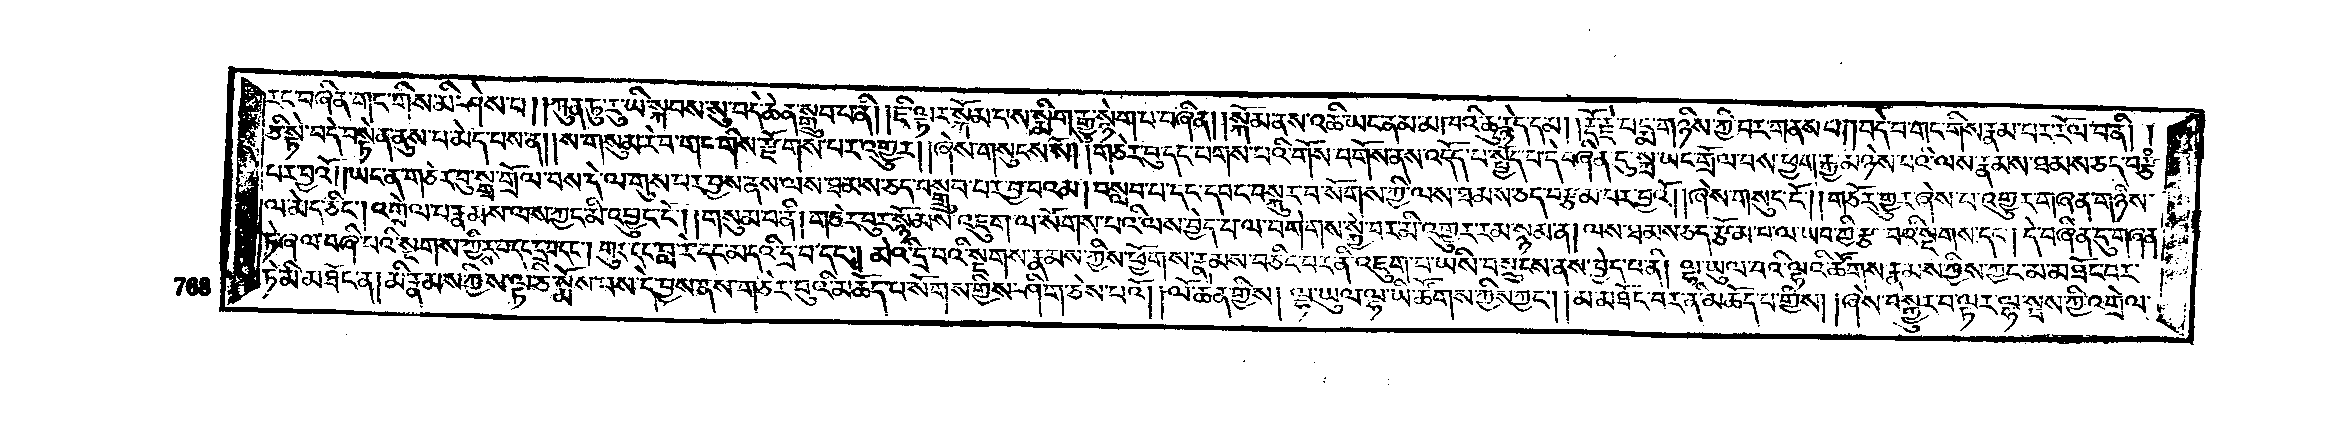རང་བཞིན་གང་གིས་མི་ཤེས་པ། །ཀུན་ཏུ་རུ་ཡི་སྐབས་སུ་བདེ་ཆེན་སྒྲུབ་པ་ནི། །ཇི་ལྟར་སྐོམ་པས་སྨིག་རྒྱུ་སྙེག་པ་བཞིན། །སྐོམ་ནས་འཆི་ཡང་ནམ་མཁའི་ཆུ་རྙེད་དམ། །རྡོ་རྗེ་པདམ་གཉིས་ཀྱི་བར་གནས་པ། །བདེ་བ་གང་གིས་རྣམ་པར་རོལ་བ་ནི། །
ཅི་སྟེ་བདེ་བསྟེན་ནུས་པ་མེད་པས་ན། །ས་གསུམ་རེ་བ་གང་གིས་རྫོགས་པར་འགྱུར། །ཞེས་གསུངས་སོ། །གཅེར་བུ་དང་པགས་པའི་གོས་བགོས་ནས་འདོད་པ་སྤྱོད་པ་དེ་བཞིན་དུ་སྐྲ་ཡང་གྲོལ་བས་ཕྱག་རྒྱ་མཉེས་པའི་ལས་རྣམས་ཐམས་ཅད་བརྩམ་
པར་བྱའོ། །ཡང་ན་གཅེར་བུ་སྒྲ་གྲོལ་བས་དེ་ལ་གུས་པར་བྱས་ནས་ལས་ཐམས་ཅད་བསྒྲུབ་པར་བྱ་བའམ། བསླབ་པ་དང་དབང་བསྐུར་བ་སོགས་ཀྱི་ལས་ཐམས་ཅད་བརྩམ་པར་བྱའོ། །ཞེས་གསུང་ངོ། །གཅོར་གྱུར་ཞེས་པ་འགྱུར་གཞན་གཉིས་
ལ་མེད་ཅིང་། འགྲེལ་པ་རྣམས་ལས་ཀྱང་མི་འབྱུང་ངོ། །གསུམ་པ་ནི། གཅེར་བུར་སྙོམས་འཇུག་ལ་སོགས་པའི་ལས་བྱེད་པ་ལ་བགེགས་སྐྱེ་བར་མི་འགྱུར་རམ་སྙམ་ན། ལས་ཐམས་ཅད་རྩོམ་པ་ལ་ཡབ་ཀྱི་རྩ་བའི་སྔགས་དང་། དེ་བཞིན་དུ་གཞན་
ཏེ་ཞལ་བཞི་པའི་སྔགས་ཀྱིས་རས་བ་དང་དྲ་བ་དང་། གུར་དང་བླ་རེ་དང་མདའི་དྲ་བ་དང་། མེའི་དྲི་བའི་སྔགས་རྣམས་ཀྱིས་ཕྱོགས་རྣམས་བཅིང་པར་ནི་འཇུག་པ་ཡིས་བསྲུངས་ནས་བྱེད་པ་ནི། ལྷ་ཡུལ་བའི་ལྷའི་ཚོགས་རྣམས་ཀྱིས་ཀྱང་མ་མཐོང་བར་
ཏེ་མི་མཐོང་ན། མི་རྣམས་ཀྱིས་ལྟ་ཅི་སྨོས་པས་དེ་བྱས་ནས་གཅེར་བུའི་མཆོད་པ་སོགས་གྱིས་ཤིག་ཅེས་པའོ། །ལོ་ཆེན་གྱིས། ལྷ་ཡུལ་ལྷ་ཡི་ཚོགས་ཀྱིས་ཀྱང་། །མ་མཐོང་བར་ནི་མཆོད་པ་གྱིས། །ཞེས་བསྒྱུར་བ་ལྟར་ལྷ་སྦས་ཀྱི་འགྲེལ་